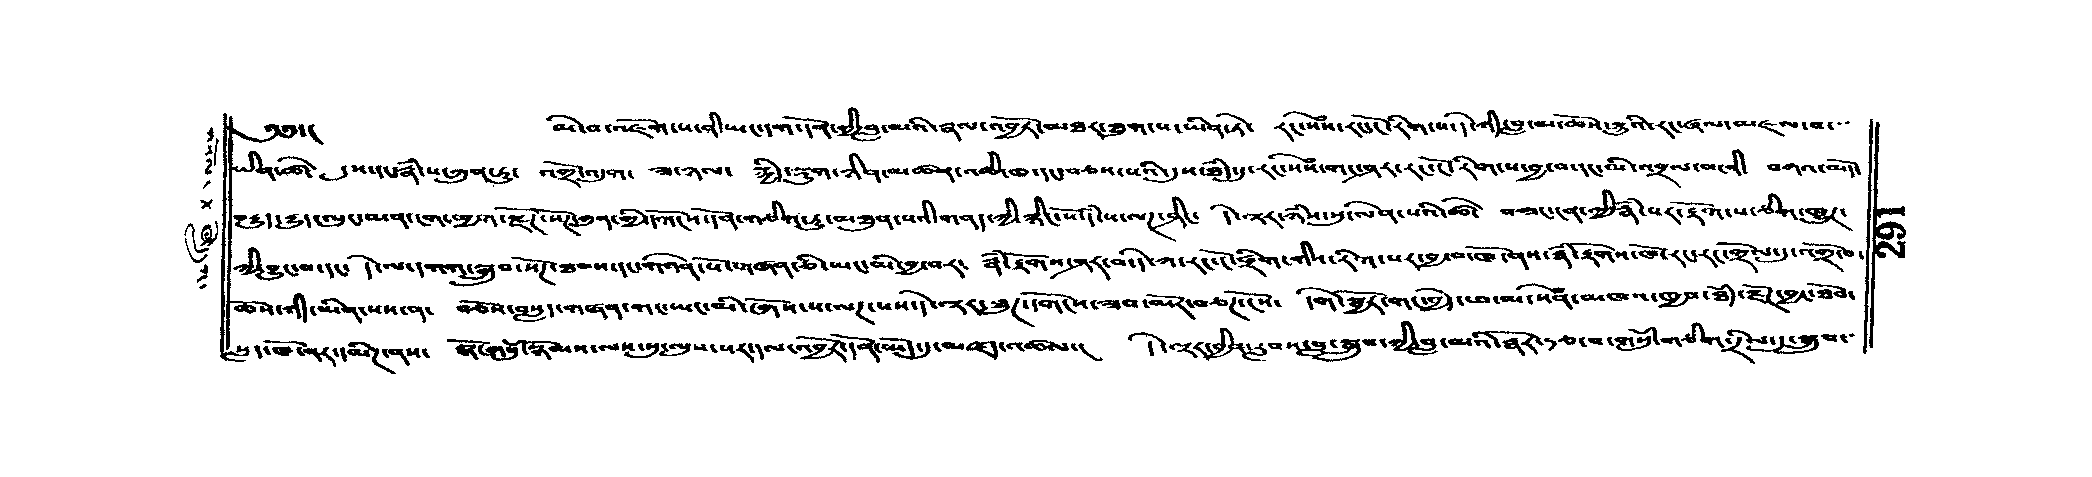མེ་བ་འཇོག་པ་ནི་ཡང་དག་དོན་གྱི་བླ་མའི་རྣལ་འབྱོར་མཐར་ཐུག་པ་ཡིན་ཏེ། རང་སེམས་རང་ངོ་རིག་པ་དེ་ཉིད་བླ་མ་ཆོས་སྐུའི་རང་ཞལ་མཇལ་བ་
ཡིན་ཚེ། དུས་དང་རྣམ་པ་ཀུན་ཏུ། འགྲོ་འདུག ཟ་ཉལ། སྐྱིད་སྡུག་ཉིན་མཚན་འཆི་ཁ་དང་བཅས་པའི་དུས་ཐམས་ཅད་དུ་རང་སེམས་གང་ཤར་རང་ངོ་རིག་པ་བྱ་བ་དང་མི་འབྲལ་བ་ནི། བཀའ་མདོ་
རྒྱུད་ལུང་མན་ངག་ཕྱག་རྫོགས་སོགས་ཀུན་གྱི་དགོངས་དོན་གཅིག་ཏུ་མཐུན་པའི་གནད་ཀྱི་སྙིང་པོ་དམ་པ་ལགས་ཤིང་། དེ་ལྟར་ཉམས་སུ་ལེན་པའི་ཚེ། བཟང་ངན་གྱི་རྣམ་པར་རྟོག་པ་ཅིག་ཁྱུགས་
ཀྱི་བྱུང་བ་དང་། དེ་ལ་དགག་སྒྲུབ་སོགས་ཐབས་དང་གཉེན་པོ་གཞན་ཅི་ཡང་མི་བྱ་བར། རྣམ་རྟོག་ཤར་བ་དེ་ཀ་རང་ངོ་ཁྲིག་གིས་རིག་པར་བྱ་བ་ཁོ་ནས་རྣམ་རྟོག་ཁོ་རང་རང་གྲོལ་དུ་འགྲོ་བ་
ཆོས་ཉིད་ཡིན་པས་ན།བཅོས་བསླད་གཞན་གང་ཡང་མི་དགོས་པ་ལགས་པས་དེ་ལྟར་ཐུགས་དགོངས་ཟབ་མོར་བཅགས་ངོས། དགེ་སྦྱོར་གང་བྱེད་ཕ་མ་སེམས་ཅན་མཁའ་ཁྱབ་ཐམས་ཅད་རྫོགས་བྱང་ཐོབ་
སླད་ཁོ་ནར་དམིགས་ནས། སྒོ་གསུམ་སྙོམས་ལས་སུ་མ་ལུས་པར་དལ་འབྱོར་དོན་ཡོད་དུ་མཛད་འཚལ། དེ་ལྟར་བྱིན་རླབས་བླ་སྒྲུབ་ཀྱི་བླ་མའི་རྣལ་འབྱོར་རྩ་བ་གསུམ་གཅིག་དྲིལ་དུ་སྒྲུབ་